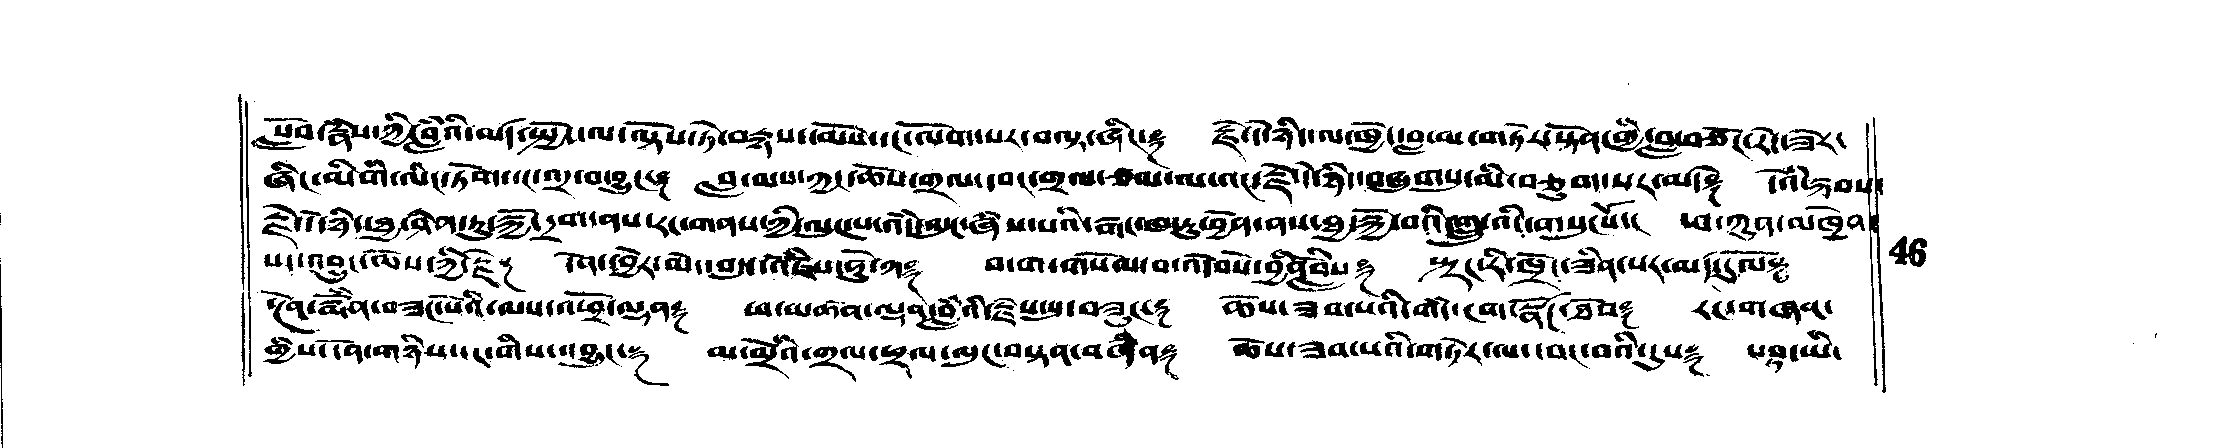སློབ་རྣམས་ཀྱི་བླ་མའི་མཛད་སྤྱོད་ལ་ལྟོས་ཏེ་བརྙས་དམོད་དང་ལོག་པར་བལྟ་ཞིང་། རྗེ་དེ་ཉིད་ལ་ཁྱོད་བླ་མ་གཏེར་སྟོན་གྱི་བླ་བཙོང་རེད་ཟེར་
ཞིང་མིག་གི་ལིང་ཏོག་དང་འདྲ་བར་བྱུང་། བླ་མས་ཀྱང་ཆོས་གྲལ་དབང་གྲལ་ཙམ་ལའང་རྗེ་དེ་ཉིད་བཞུགས་སུ་མི་བཅུག་པར་མཛད།དེའི་སྐབས་
རྗེ་དེ་ཉིད་ཐུགས་ཤིན་ཏུ་སྐྱོ་དྲག་ནས་རང་གནས་ཀྱི་ལུང་པ་འདམ་ལུང་ཞེས་པའི་སྒང་ཁ་རུ་བྱོན་ནས་ཐུགས་སྐྱོ་བའི་གླུ་འདི་གསུངས་སོ། ཕ་ཀུན་མཁྱེན་
པད་འབྱུང་ཆོས་ཀྱི་རྗེ། །དོན་དབྱེར་མེད་བདུད་འཇོམས་ཧེ་རུ་ཀ །བདག་གསོལ་བ་འདེབས་སོ་བྱིན་གྱི་རློབས། །སྤྲང་རི་ཁྲོད་ཟིན་པར་མཛད་དུ་གསོལ། །
སྔོན་སྨོན་ལམ་བཟང་པོའི་ལས་འཕྲོ་ལྡན། །ཕ་མཚན་ལྡན་བླ་མའི་རྗེས་སུ་བཟུང་། །ཆོས་ཟབ་པའི་གདམ་ངག་སྣ་ཚོགས་ཐོབ། །རང་གཞན་
གྱིས་དོན་གཉིས་ངང་གིས་འབྱུང་། །མ་མཁའ་འགྲོའི་གྲལ་ཕྲལ་ལུང་བསྟན་བཞིན། །ཆོས་ཟབ་པའི་གཏེར་ལ་དབང་བའི་དུས། །སབྟ་ཡི་